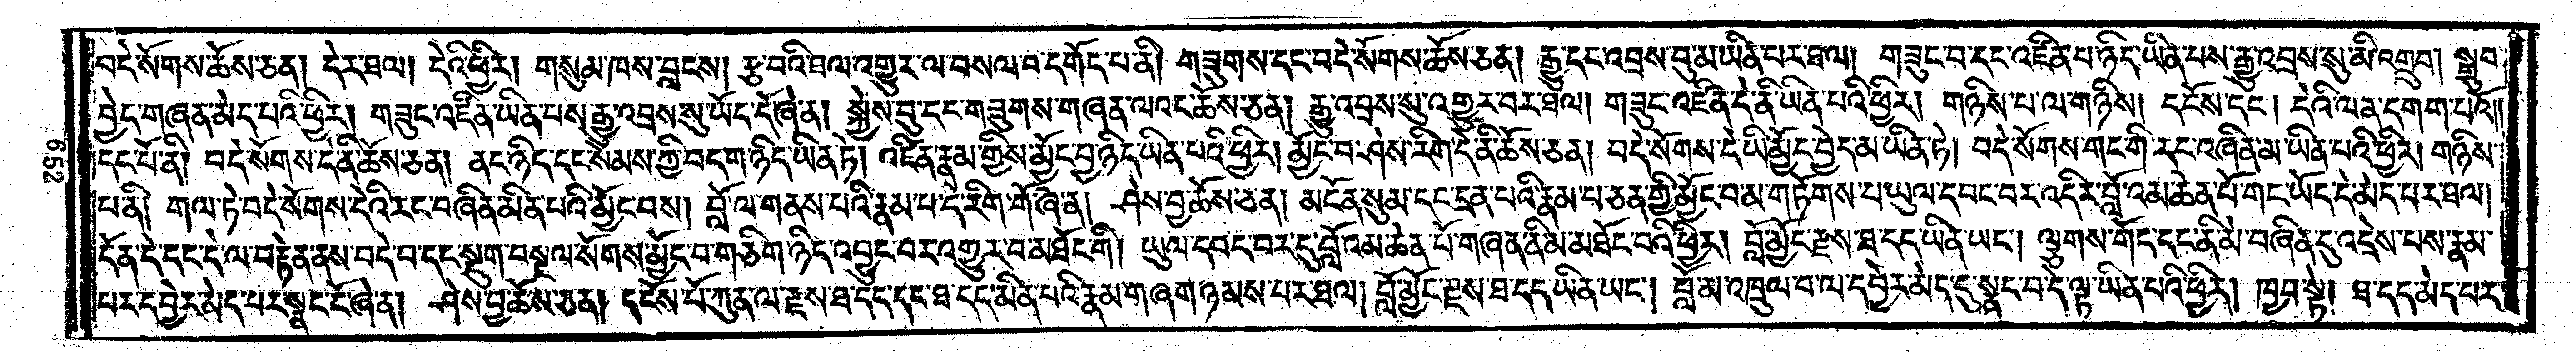བདེ་སོགས་ཆོས་ཅན། དེར་ཐལ། དེའི་ཕྱིར། གསུམ་ཁས་བླངས། རྩ་བའི་ཐལ་འགྱུར་ལ་བསལ་བ་དགོད་པ་ནི། གཟུགས་དང་བདེ་སོགས་ཆོས་ཅན། རྒྱུ་དང་འབྲས་བུ་མ་ཡིན་པར་ཐལ། གཟུང་བ་དང་འཛིན་པ་ཉིད་ཡིན་པས་རྒྱུ་འབྲས་སུ་མི་འགྲུབ། སྒྲུབ་
བྱེད་གཞན་མེད་པའི་ཕྱིར། གཟུང་འཛིན་ཡིན་པས་རྒྱུ་འབྲས་སུ་ཡོད་དོ་ཞེ་ན། སྐྱེས་བུ་དང་གཟུགས་གཞན་ལའང་ཆོས་ཅན། རྒྱུ་འབྲས་སུ་འགྱུར་བར་ཐལ། གཟུང་འཛིན་དེ་ནི་ཡིན་པའི་ཕྱིར། གཉིས་པ་ལ་གཉིས། དངོས་དང་། དེའི་ལན་དགག་པའོ།།
དང་པོ་ནི། བདེ་སོགས་དེ་ནི་ཆོས་ཅན། ནང་ཉིད་དང་སེམས་ཀྱི་བདག་ཉིད་ཡིན་ཏེ། འཛིན་རྣམ་གྱིས་མྱོང་བྱ་ཉིད་ཡིན་པའི་ཕྱིར། མྱོང་བ་ཤེས་རིག་དེ་ནི་ཆོས་ཅན། བདེ་སོགས་དེ་ཡི་མྱོང་བྱེད་མ་ཡིན་ཏེ། བདེ་སོགས་གང་གི་རང་བཞིན་མ་ཡིན་པའི་ཕྱིར། གཉིས་
པ་ནི། གལ་ཏེ་བདེ་སོགས་དེའི་རང་བཞིན་མིན་པའི་མྱོང་བས། བློ་ལ་གནས་པའི་རྣམ་པ་དེ་རིག་གོ་ཞེ་ན། ཤེས་བྱ་ཆོས་ཅན། མངོན་སུམ་དང་དྲན་པའི་རྣམ་པ་ཅན་གྱི་མྱོང་བ་མ་གཏོགས་པ་ཡུལ་དབང་བར་འདིར་བློའམ་ཆེན་པོ་གང་ཡིན་དེ་མེད་པར་ཐལ།
དོན་དེ་དང་དེ་ལ་བརྟེན་ནས་བདེ་བ་དང་སྡུག་བསྔལ་སོགས་མྱོང་བ་གཅིག་ཉིད་འབྱུང་བར་འགྱུར་བ་མཐོང་གི། ཡུལ་དབང་བར་དུ་བློའམ་ཆེན་པོ་གཞན་ནི་མ་མཐོང་བའི་ཕྱིར། བློ་མྱོང་རྫས་ཐ་དད་ཡིན་ཡང་། ལྕགས་གོང་དང་ནི་མེ་བཞིན་དུ་འདྲེས་པས་རྣམ་
པར་དབྱེར་མེད་པར་སྣང་ངོ་ཞེན། ཤེས་བྱ་ཆོས་ཅན། དངོས་པོ་ཀུན་ལ་རྫས་ཐ་དད་དང་ཐ་དད་མིན་པའི་རྣམ་གཞག་ཉམས་པར་ཐལ། བློ་མྱོང་རྫས་ཐ་དད་ཡིན་ཡང་། བློ་མ་འཁྲུལ་བ་ལ་དབྱེར་མེད་དུ་སྣང་བ་དེ་ལྟ་ཡིན་པའི་ཕྱིར། ཁྱབ་སྟེ། ཐ་དད་མེད་པར་